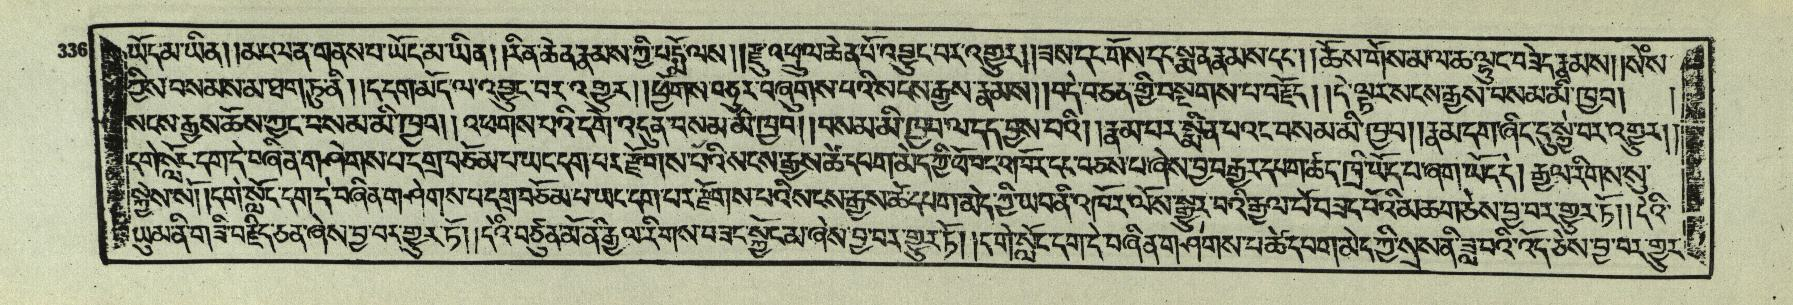ཡོད་མ་ཡིན། །མངལ་ན་གནས་པ་ཡོད་མ་ཡིན། །རིན་ཆེན་རྣམས་ཀྱི་པདམོ་ལས། །རྫུ་འཕྲུལ་ཆེན་པོ་འབྱུང་བར་འགྱུར། །ཟས་དང་གོས་དང་སྨན་རྣམས་དང་། །ཆོས་གོས་མལ་ཆ་ལྷུང་བཟེད་རྣམས། །སེཾས་
ཀྱིས་བསམས་མ་ཐག་ཏུ་ནི། །ད་དག་མོད་ལ་འབྱུང་བར་འགྱུར། །ཕྱོགས་བཅུར་བཞུགས་པའི་སངས་རྒྱས་རྣམས། །བདེ་བ་ཅན་གྱི་བསྔགས་པ་བརྗོད། །དེ་ལྟར་སངས་རྒྱས་བསམ་མི་ཁྱབ། །
སངས་རྒྱས་ཆོས་ཀྱང་བསམ་མི་ཁྱབ། །འཕགས་པའི་དགེ་འདུན་བསམ་མི་ཁྱབ། །བསམ་མི་ཁྱབ་ལ་དད་བྱས་པའི། །རྣམ་པར་སྨིན་པའང་བསམ་མི་ཁྱབ། །རྣམ་དག་ཞིང་དུ་སྐྱེ་བར་འགྱུར། །
དགེ་སློང་དག་དེ་བཞིན་གཤེགས་པ་དགྲ་བཅོམ་པ་ཡང་དག་པར་རྫོགས་པའི་སངས་རྒྱས་ཚེ་དཔག་མེད་ཀྱི་ཕོ་བང་འཁོར་དང་བཅས་པ་ཞེས་བྱ་བརྒྱར་དཔག་ཚད་ཁྲི་ཡོད་པ་ཞག་ཡོད་དེ། རྒྱལ་རིགས་སུ་
སྐྱེས་སོ། །དགེ་སློང་དག་དེ་བཞིན་གཤེགས་པ་དགྲ་བཅོམ་པ་ཡང་དག་པར་རྫོགས་པའི་སངས་རྒྱས་ཚེ་དཔག་མེད་ཀྱི་ཡབ་ནི་འཁོར་ལོས་སྒྱུར་བའི་རྒྱལ་པོ་བཟང་པོའི་མཆག་ཅེས་བྱ་བར་གྱུར་ཏོ། །དེའི་
ཡུམ་ནི་གཟི་བརྗིད་ཅན་ཞེས་བྱ་བར་གྱུར་ཏོ། །དེའི་བཙུན་མོ་ནི་རྒྱལ་རིགས་བཟང་སྐྱོང་མ་ཞེས་བྱ་བར་གྱུར་ཏོ། །དགེ་སློང་དག་དེ་བཞིན་གཤེགས་པ་ཚེ་དཔག་མེད་ཀྱི་སྲས་ནི་ཟླ་བའི་འོད་ཅེས་བྱ་བར་གྱུར་